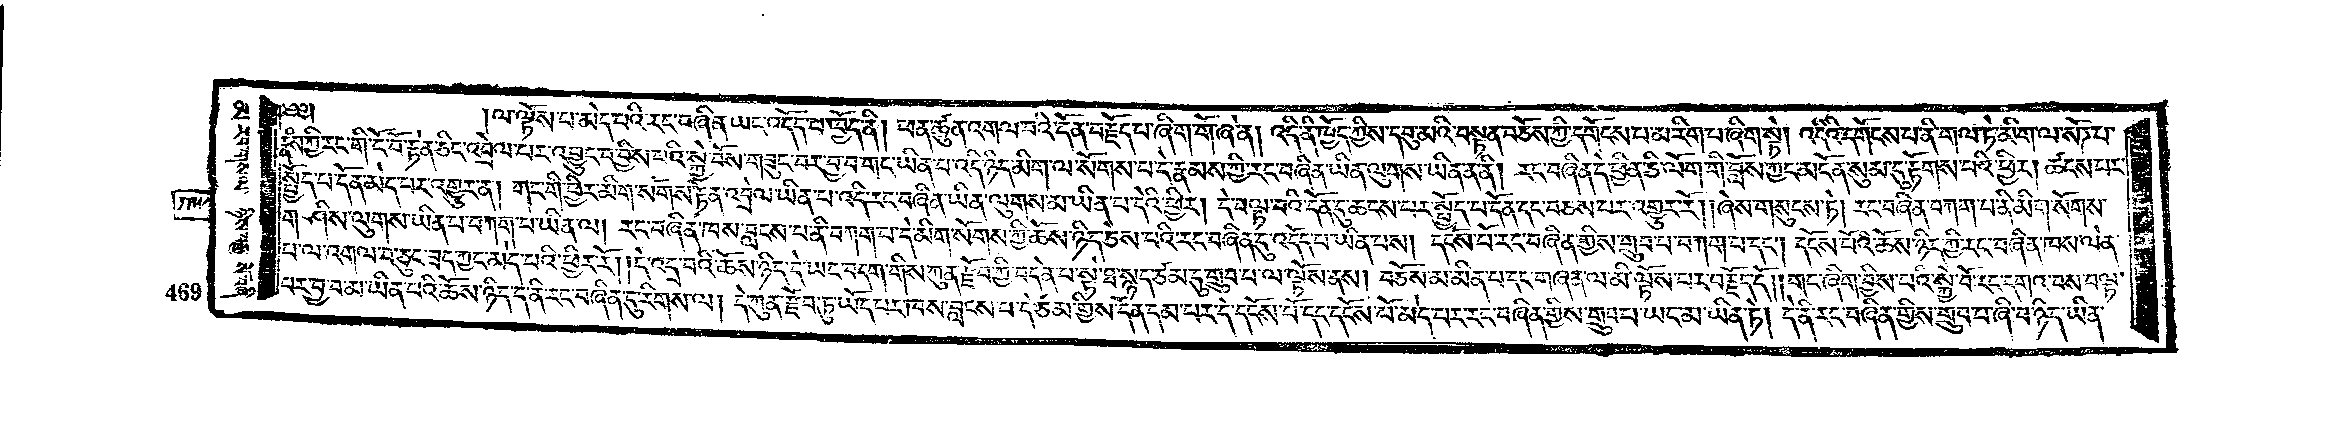༄༅། །ལ་ལྟོས་པ་མེད་པའི་རང་བཞིན་ཡང་འདོད་པ་ཁྱོད་ནི། ཕན་ཚུན་འགལ་བའི་དོན་བརྗོད་པ་ཞིག་གོ་ཞེ་ན། འདི་ནི་ཁྱོད་ཀྱིས་དབུ་མའི་བསྟན་བཅོས་ཀྱི་དགོངས་པ་མ་རིག་པ་ཞིག་སྟེ། འདིའི་དགོངས་པ་ནི་གལ་ཏེ་མིག་ལ་སོགས་པ་
རྣམས་ཀྱི་རང་གི་ངོ་བོ་རྟེན་ཅིང་འབྲེལ་པར་འབྱུང་བ་བྱིས་པའི་སྐྱེ་བོས་གཟུང་བར་བྱ་བ་གང་ཡིན་པ་འདི་ཉིད་མིག་ལ་སོགས་པ་དེ་རྣམས་ཀྱི་རང་བཞིན་ཡིན་ལུགས་ཡིན་ན་ནི། རང་བཞིན་དེ་ཕྱིན་ཅི་ལོག་གི་བློས་ཀྱང་མངོན་སུམ་དུ་རྟོགས་པའི་ཕྱིར། ཚངས་པར་
སྤྱོད་པ་དོན་མེད་པར་འགྱུར་ན། གང་གི་ཕྱིར་མིག་སོགས་རྟེན་འབྲེལ་ཡིན་པ་འདི་རང་བཞིན་ཡིན་ལུགས་མ་ཡིན་པ་དེའི་ཕྱིར། དེ་བལྟ་བའི་དོན་དུ་ཚངས་པར་སྤྱོད་པ་དོན་དང་བཅས་པར་འགྱུར་རོ། །ཞེས་གསུངས་ཏེ། རང་བཞིན་བཀག་པ་ནི་མིག་སོགས་
གཤིས་ལུགས་ཡིན་པ་བཀག་པ་ཡིན་ལ། རང་བཞིན་ཁས་བླངས་པ་ནི་བཀག་པ་དེ་མིག་སོགས་ཀྱི་ཆོས་ཉིད་ཅེས་པའི་རང་བཞིན་དུ་འདོད་པ་ཡིན་པས། དངོས་པོ་རང་བཞིན་གྱིས་གྲུབ་པ་བཀག་པ་དང་། དངོས་པོའི་ཆོས་ཉིད་ཀྱི་རང་བཞིན་ཁས་ལེན་
པ་ལ་འགལ་བ་ཅུང་ཟད་ཀྱང་མེད་པའི་ཕྱིར་རོ། །དེ་འདྲ་བའི་ཆོས་ཉིད་དེ་ཡང་བདག་གིས་ཀུན་རྫོབ་ཀྱི་བདེན་པ་སྟེ་ཐ་སྙད་ཙམ་དུ་གྲུབ་པ་ལ་ལྟོས་ནས། བཅོས་མ་མིན་པ་དང་གཞན་ལ་མི་ལྟོས་པར་བརྗོད་དོ། །གང་ཞིག་བྱིས་པའི་སྐྱེ་བོ་རང་དགའ་བས་བལྟ་
པར་བྱ་བ་མ་ཡིན་པའི་ཆོས་ཉིད་དེ་ནི་རང་བཞིན་དུ་རིགས་ལ། དེ་ཀུན་རྫོབ་ཏུ་ཡོད་པར་ཁས་བླངས་པ་དེ་ཙམ་གྱིས་དོན་དམ་པར་དེ་དངོས་པོ་དང་དངོས་པོ་མེད་པར་རང་བཞིན་གྱིས་གྲུབ་པ་ཡང་མ་ཡིན་ཏེ། དེ་ནི་རང་བཞིན་གྱིས་གྲུབ་པ་ཞི་བ་ཉིད་ཡིན་